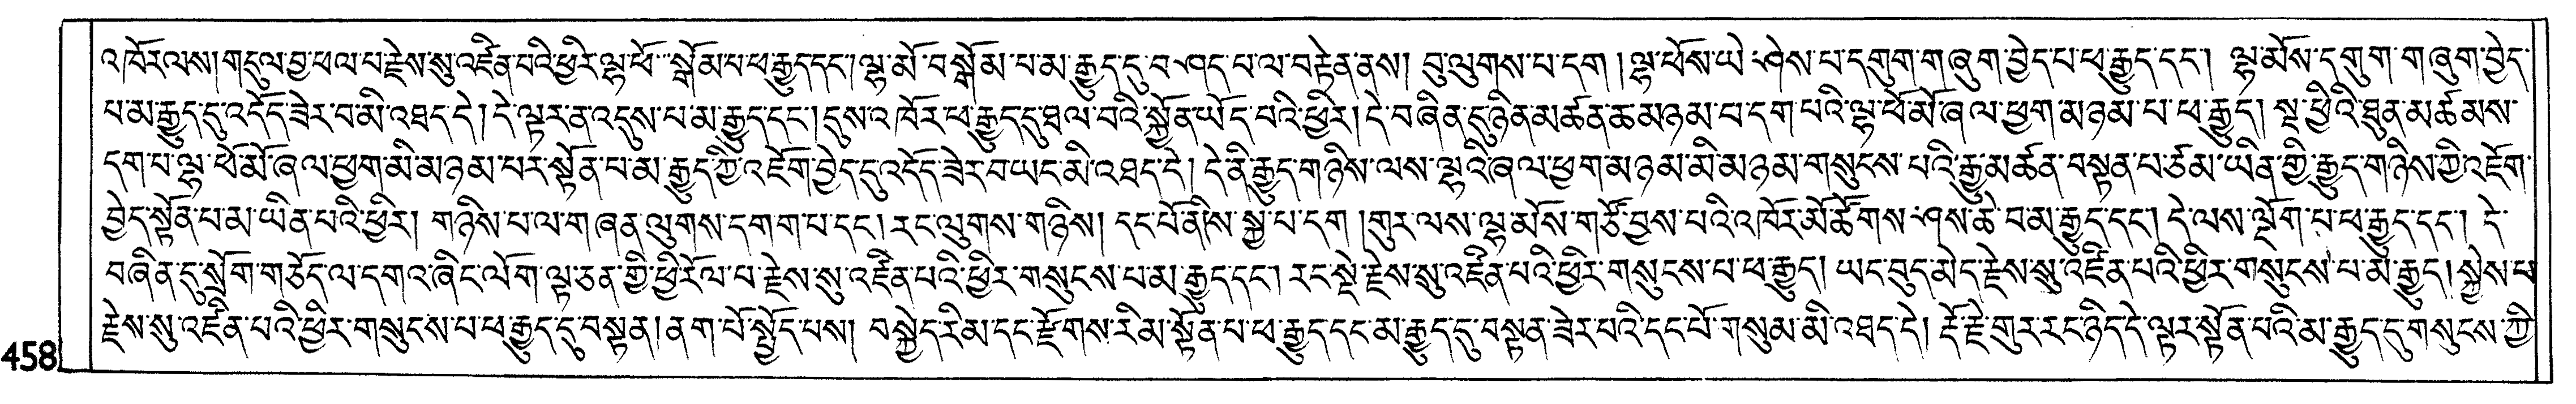འཁོར་ལས། གདུལ་བྱ་ཕལ་པ་རྗེས་སུ་འཛིན་པའི་ཕྱིར་ལྷ་ཕོ་སྒོམ་པ་ཕ་རྒྱུད་དང་། ལྷ་མོ་བསྒོམ་པ་མ་རྒྱུད་དུ་བཤད་པ་ལ་བརྟེན་ནས། བུ་ལུགས་པ་དག །ལྷ་ཕོས་ཡེ་ཤེས་པ་དགུག་གཞུག་བྱེད་པ་ཕ་རྒྱུད་དང་། ལྷ་མོས་དགུག་གཞུག་བྱེད་
པ་མ་རྒྱུད་དུ་འདོད་ཟེར་བ་མི་འཐད་དེ། དེ་ལྟར་ན་འདུས་པ་མ་རྒྱུད་དང་། དུས་འཁོར་ཕ་རྒྱུད་དུ་ཐལ་བའི་སྐྱོན་ཡོད་པའི་ཕྱིར། དེ་བཞིན་དུ་ཉིན་མཚན་ཆ་མཉམ་པ་དག་པའི་ལྷ་ཕོ་མོ་ཞལ་ཕྱག་མཉམ་པ་ཕ་རྒྱུད། སྔ་ཕྱིའི་ཐུན་མཚམས་
དག་པ་ལྷ་ཕོ་མོ་ཞལ་ཕྱག་མི་མཉམ་པར་སྟོན་པ་མ་རྒྱུད་ཀྱི་འཇོག་བྱེད་དུ་འདོད་ཟེར་བ་ཡང་མི་འཐད་དེ། དེ་ནི་རྒྱུད་གཉིས་ལས་ལྷའི་ཞལ་ཕྱག་མཉམ་མི་མཉམ་གསུངས་པའི་རྒྱུ་མཚན་བསྟན་པ་ཙམ་ཡིན་གྱི་རྒྱུད་གཉིས་ཀྱི་འཇོག་
བྱེད་སྟོན་པ་མ་ཡིན་པའི་ཕྱིར། གཉིས་པ་ལ་གཞན་ལུགས་དག་ག་པ་དང་། རང་ལུགས་གཉིས། དང་པོ་ནི། ས་སྐྱ་པ་དག །གུར་ལས་ལྷ་མོས་གཙོ་བྱས་པའི་འཁོར་མོ་ཚོགས་ཤས་ཆེ་བ་མ་རྒྱུད་དང་། དེ་ལས་ལྡོག་པ་ཕ་རྒྱུད་དང་། དེ་
བཞིན་དུ་སྲོག་གཅོད་ལ་དགའ་ཞིང་ལོག་ལྟ་ཅན་གྱི་ཕྱི་རོལ་པ་རྗེས་སུ་འཛིན་པའི་ཕྱིར་གསུངས་པ་མ་རྒྱུད་དང་། རང་སྡེ་རྗེས་སུ་འཛིན་པའི་ཕྱིར་གསུངས་པ་ཕ་རྒྱུད། ཡང་བུད་མེད་རྗེས་སུ་འཛིན་པའི་ཕྱིར་གསུངས་པ་མ་རྒྱུད། སྐྱེས་པ་
རྗེས་སུ་འཛིན་པའི་ཕྱིར་གསུངས་པ་ཕ་རྒྱུད་དུ་བསྟན། ནག་པོ་སྤྱོད་པས། བསྐྱེད་རིམ་དང་རྫོགས་རིམ་སྟོན་པ་ཕ་རྒྱུད་དང་མ་རྒྱུད་དུ་བསྟན་ཟེར་པའི་དང་པོ་གསུམ་མི་འཐད་དེ། རྡོ་རྗེ་གུར་རང་ཉིད་དེ་ལྟར་སྟོན་པའི་མ་རྒྱུད་དུ་གསུངས་ཀྱི་